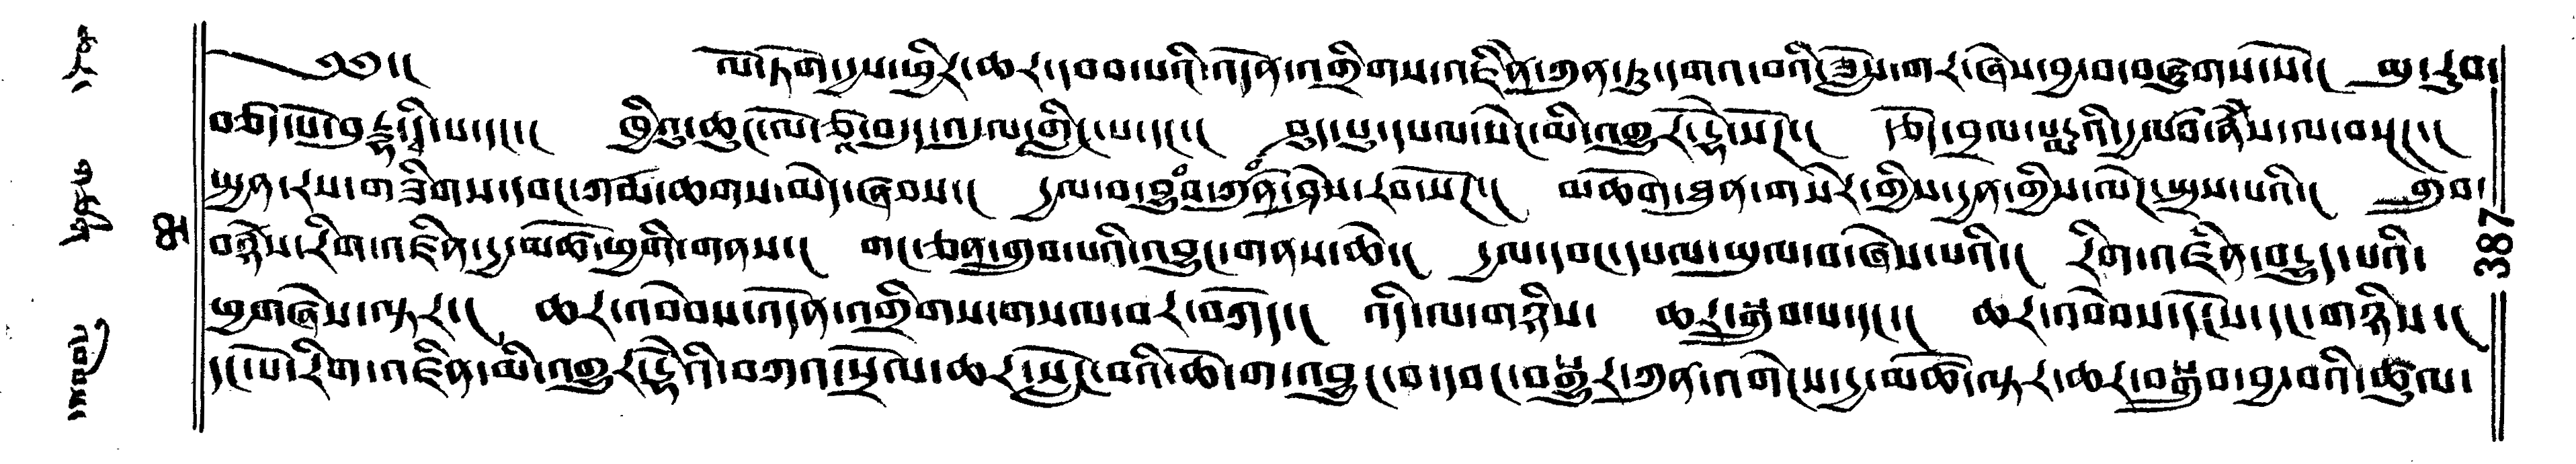༄༅། ལོ་ཏོག་རྒྱས་ཕྱིར་ཆར་དབབ་པའི་འདོན་འགྲིགས་འཇིག་རྟེན་ཀུན་ཏུ་དགའ་བའི་ཟློས་གར་ཞེས་བྱ་བ་བཞུགས་སོ། མུ་རུབ་
བཙད་པོ་བུདྡྷ་དྭི་པ་དང་། ཁྱེའུ་ཆུང་ལོ་ཙཱ་བདུད་འདུལ་གླིང་པ་དང་། །ཤུད་པུ་དཔལ་སེང་མི་འགྱུར་རྡོ་རྗེ་སོགས། །རྩོད་བྲལ་པདྨའི་རྒྱལ་ཚབ་རྣམས་ལ་བསྔགས། །
སྤྱན་རས་གཟིགས་དབང་ཀརྨ་ཆགས་མེད་ཞབས། །རྒྱལ་བ་བྱང་ཆུབ་ཀུན་བཟང་ཤེས་རབ་སོགས། །མཆོག་ཐུན་གསེར་གྱི་རྒྱན་གྱིས་ལེགས་སྤྲས་པའི། །གྲུབ་
བརྙེས་རིག་འཛིན་རྒྱ་མཚོ་ཕྱག་གི་གནས། །གངས་ཅན་གྲུབ་པའི་འབྱུང་གནས་ཆེ། །རྒྱལ་དབང་དཔལ་ཡུལ་བ་ཞེས་པའི། །རིག་འཛིན་བརྒྱུད་པའི་
ཕྱག་གཞེས་ལྟར། །ཆར་འབེབས་འདོན་འགྲིགས་གསལ་བར་འགོད། འདི་ལ་གཉིས། ཆར་སྒྲུབ་པ་དང་། ཆར་འབེབས་དངོས་ལས། 
དང་པོ་རིག་འཛིན་མི་འགྱུར་རྡོ་རྗེའི་བཀའ་སྲོལ་ཆར་སློང་བའི་ཆོ་ག་འབྱུང་བ་དབང་སྒྱུར་ཀུན་འགེངས་རྒྱ་མཚོ་ལྟར་ཆར་བསྒྲུབ་བྱ་བའི་ཚུལ་